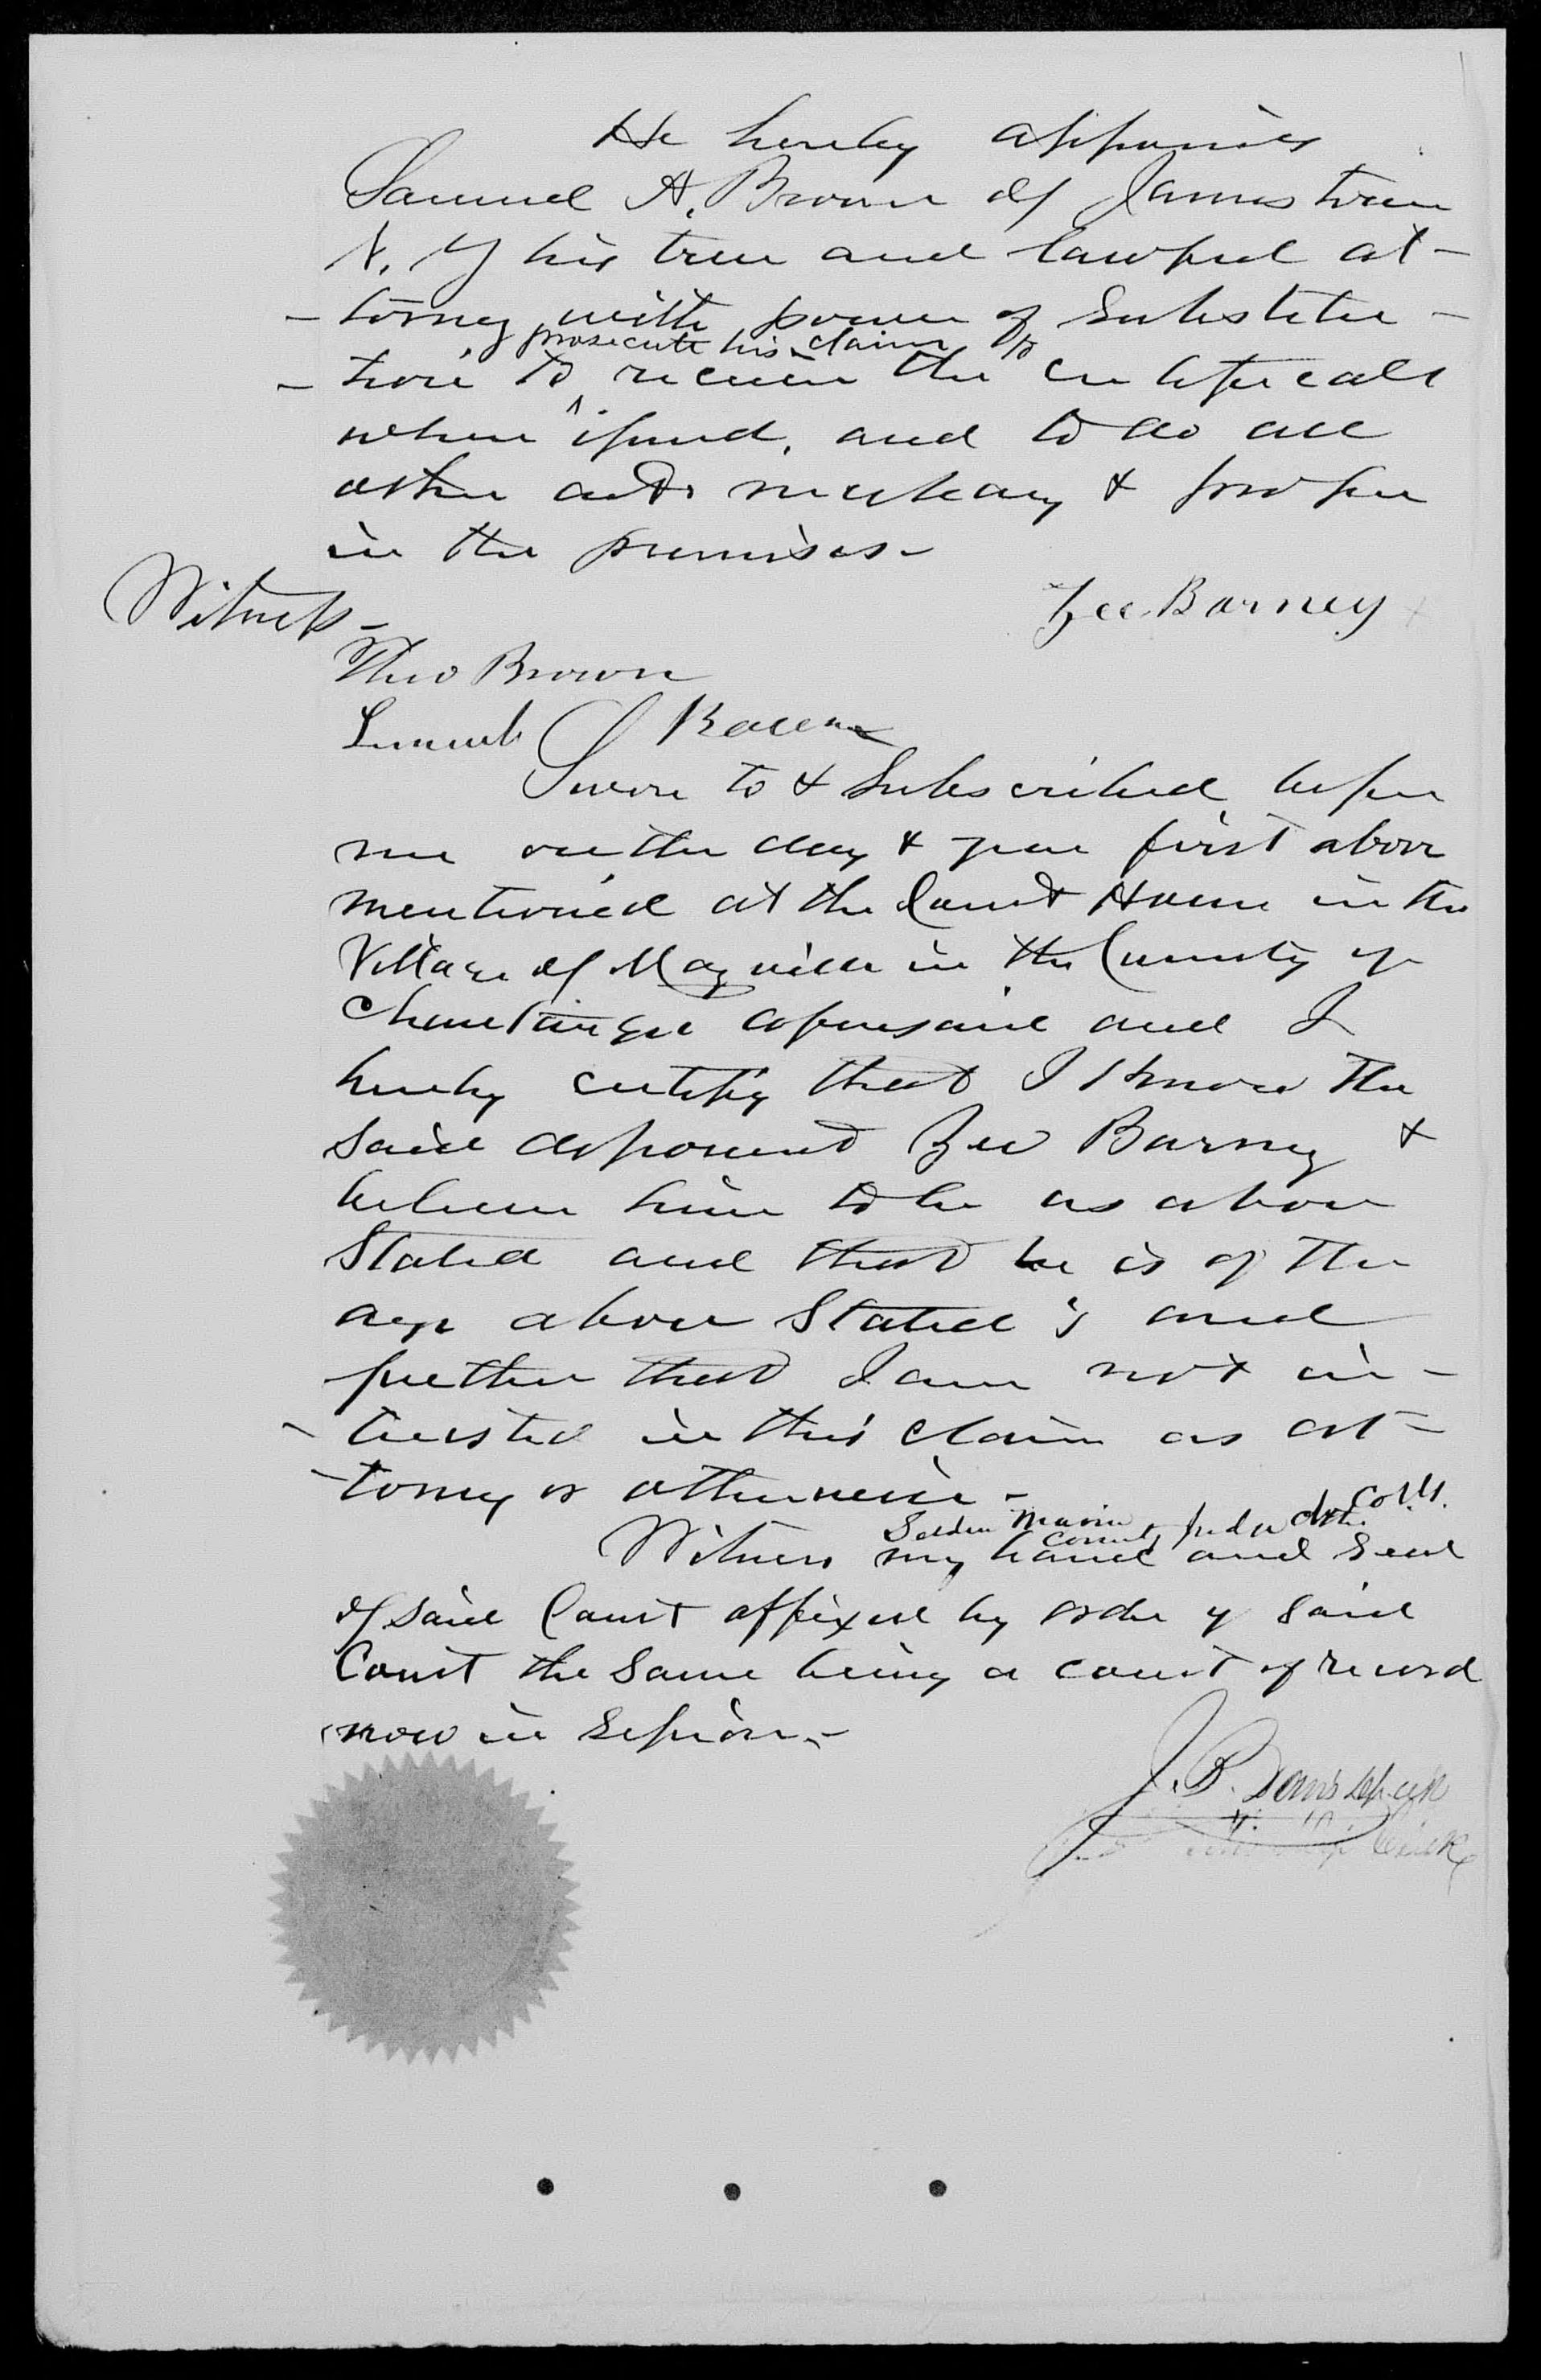He hereby appoints Samuel A. Brown of Jamestown N. Y. his true and lawful attorney with power of substitution to ["prosecute his claim to" inserted at caret] receive the certificate when issued, and to do all other and necessary & proper in the premises.
Zee Barney

Witness - 
Tho Brown
Lemuel Bacon [?]
Sworn to & Subscribed before me on the day & year first above mentioned at the Court House in the Village of Mayville in the County of Chautauqua aforesaid and I hereby certify that I know the said deponent Zee Barney & believe him to be as above Stated and that he is of the age above stated; and further that I am not interested in this claim as attorney or otherwise

Selden Marvin
Circuit Judge of Court [?]
Witness my name and seal of said Court affixed by order of said Court the Same being a Court of record now in Session
J. B. [illegible]
[Seal affixed lower left]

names: Zee Barney, Zee Barney, Lemuel Balen, J B Davis, Theo Brown, Samuel A Brown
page: 17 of 61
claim: widow's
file: W. 4.124, Luther Barney, Conn. Privateer.